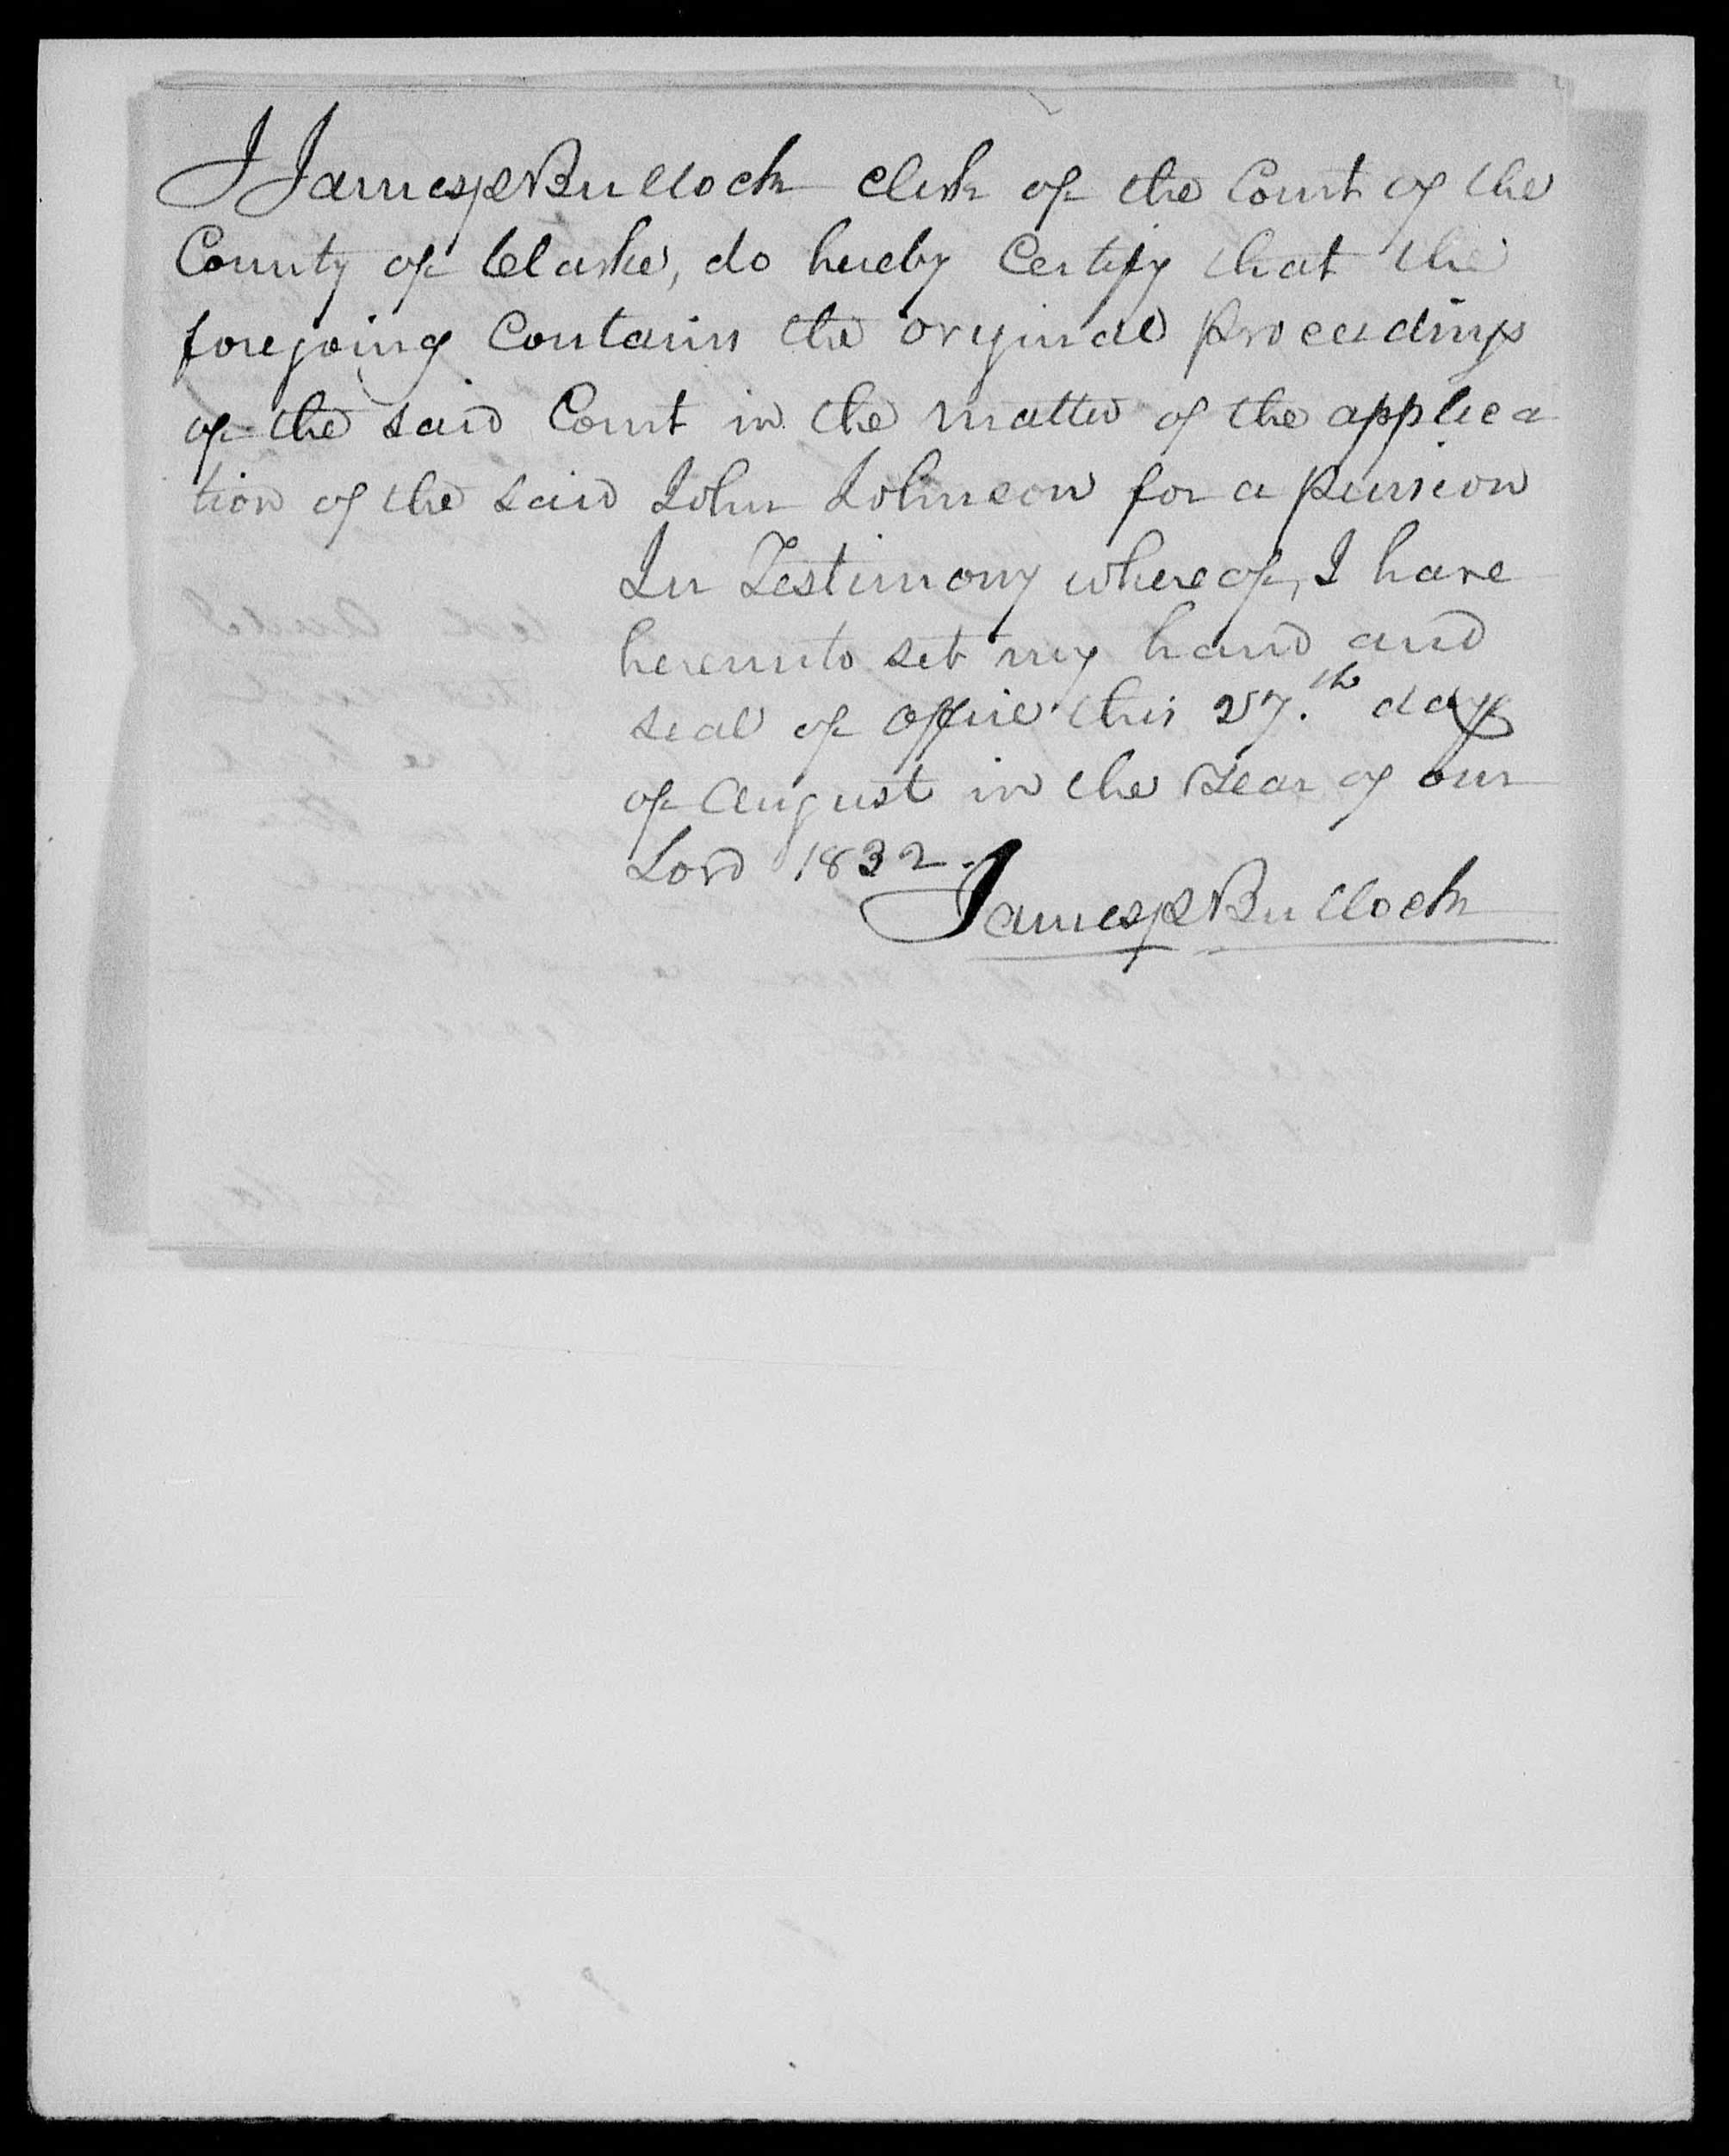I James P. Bullock clerk of the court of the County of Clarke, do hereby certify that the foregoing contains the original proceedings of the said court in the matter of the application of the said John Johnson for a pension

In Testimony whereof, I have hereunto set my hand and seal of office this 27th day of August in the Year of our Lord 1832.

[signature] James P. Bullock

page: 4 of 16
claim: rejected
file: R. 5634, for John Johnson, Virginia